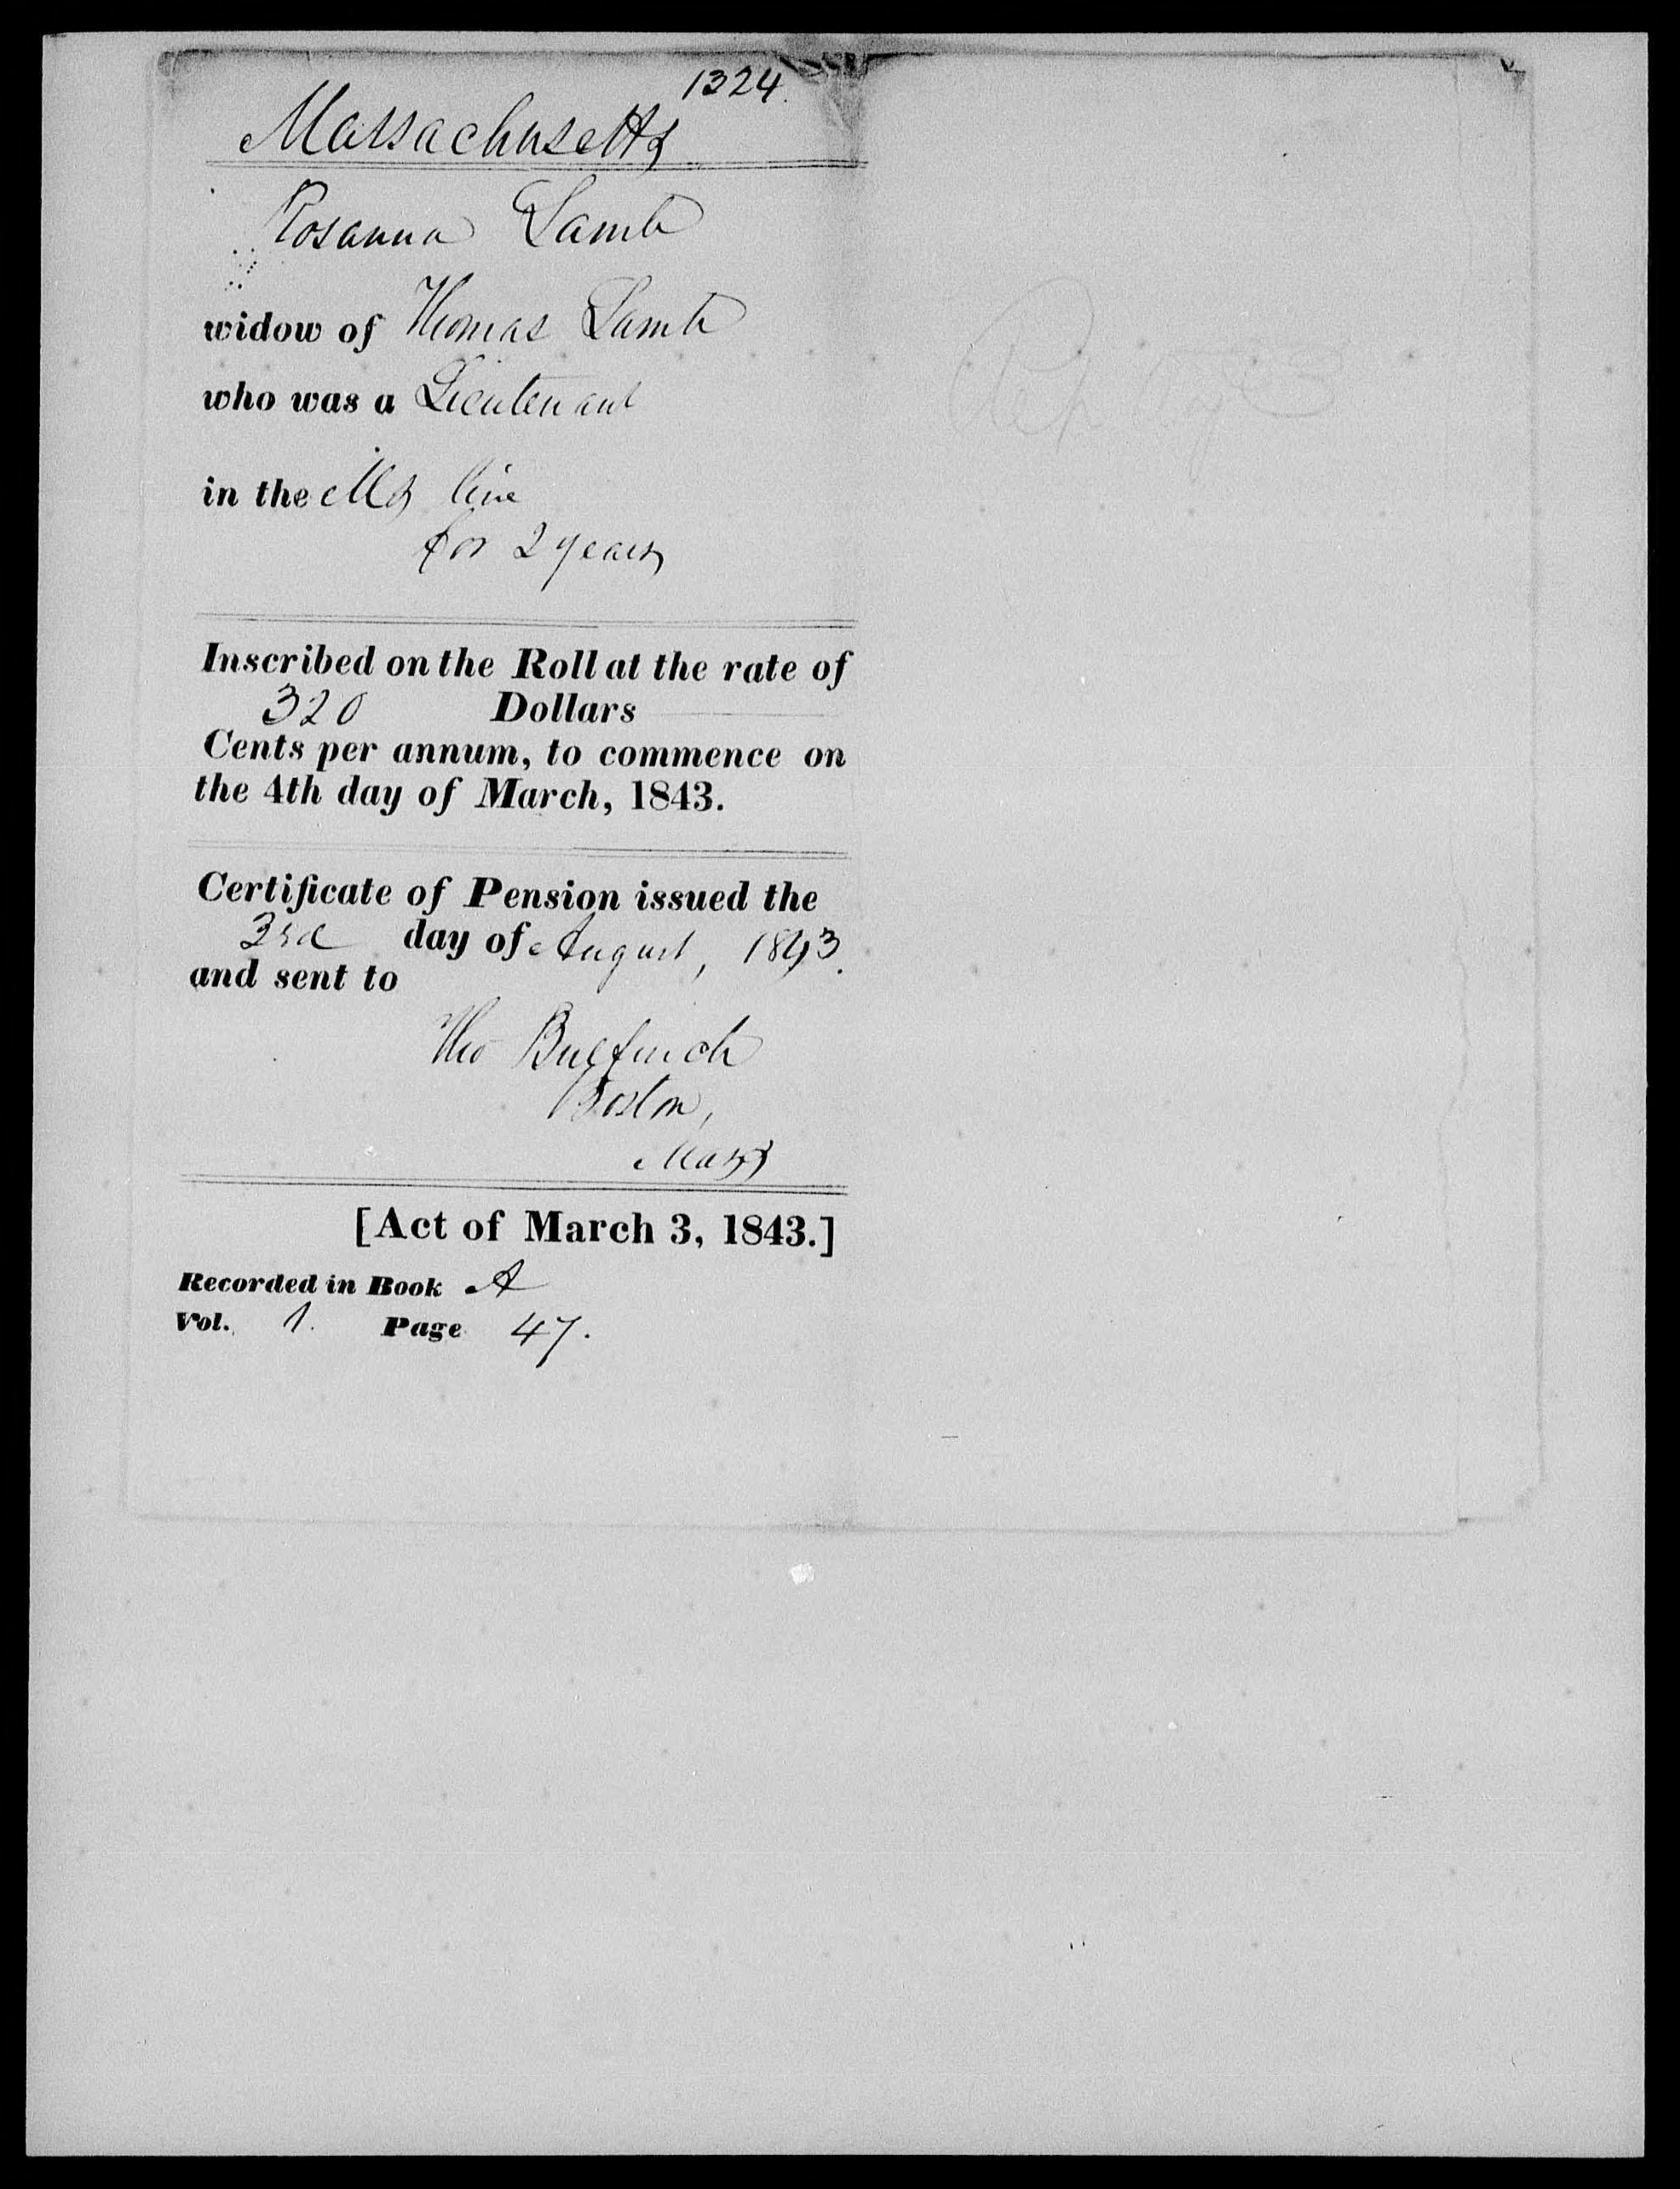1324.
Massachusetts
________________
Rosanna Lamb widow of Thomas Lamb who was a Lieutenant in the Ms. line for 2 years
________________
Inscribed on the Roll at the rate of 320 Dollars - Cents per annum, to commence on the 4th day of March, 1843.
________________
Certificate of Pension issued the 3rd day of August, 1843 and sent to 
Tho Bulfinch
Boston,
Mass.
_______________
[Act of March 3, 1843.]
Recorded in Book A
Vol. 1 Page 47.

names: Rosanna Lamb; Thomas Lamb; Tho Bulfinch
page: 14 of 23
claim: widow's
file: W. 15010, for Thomas Lamb, Massachusetts